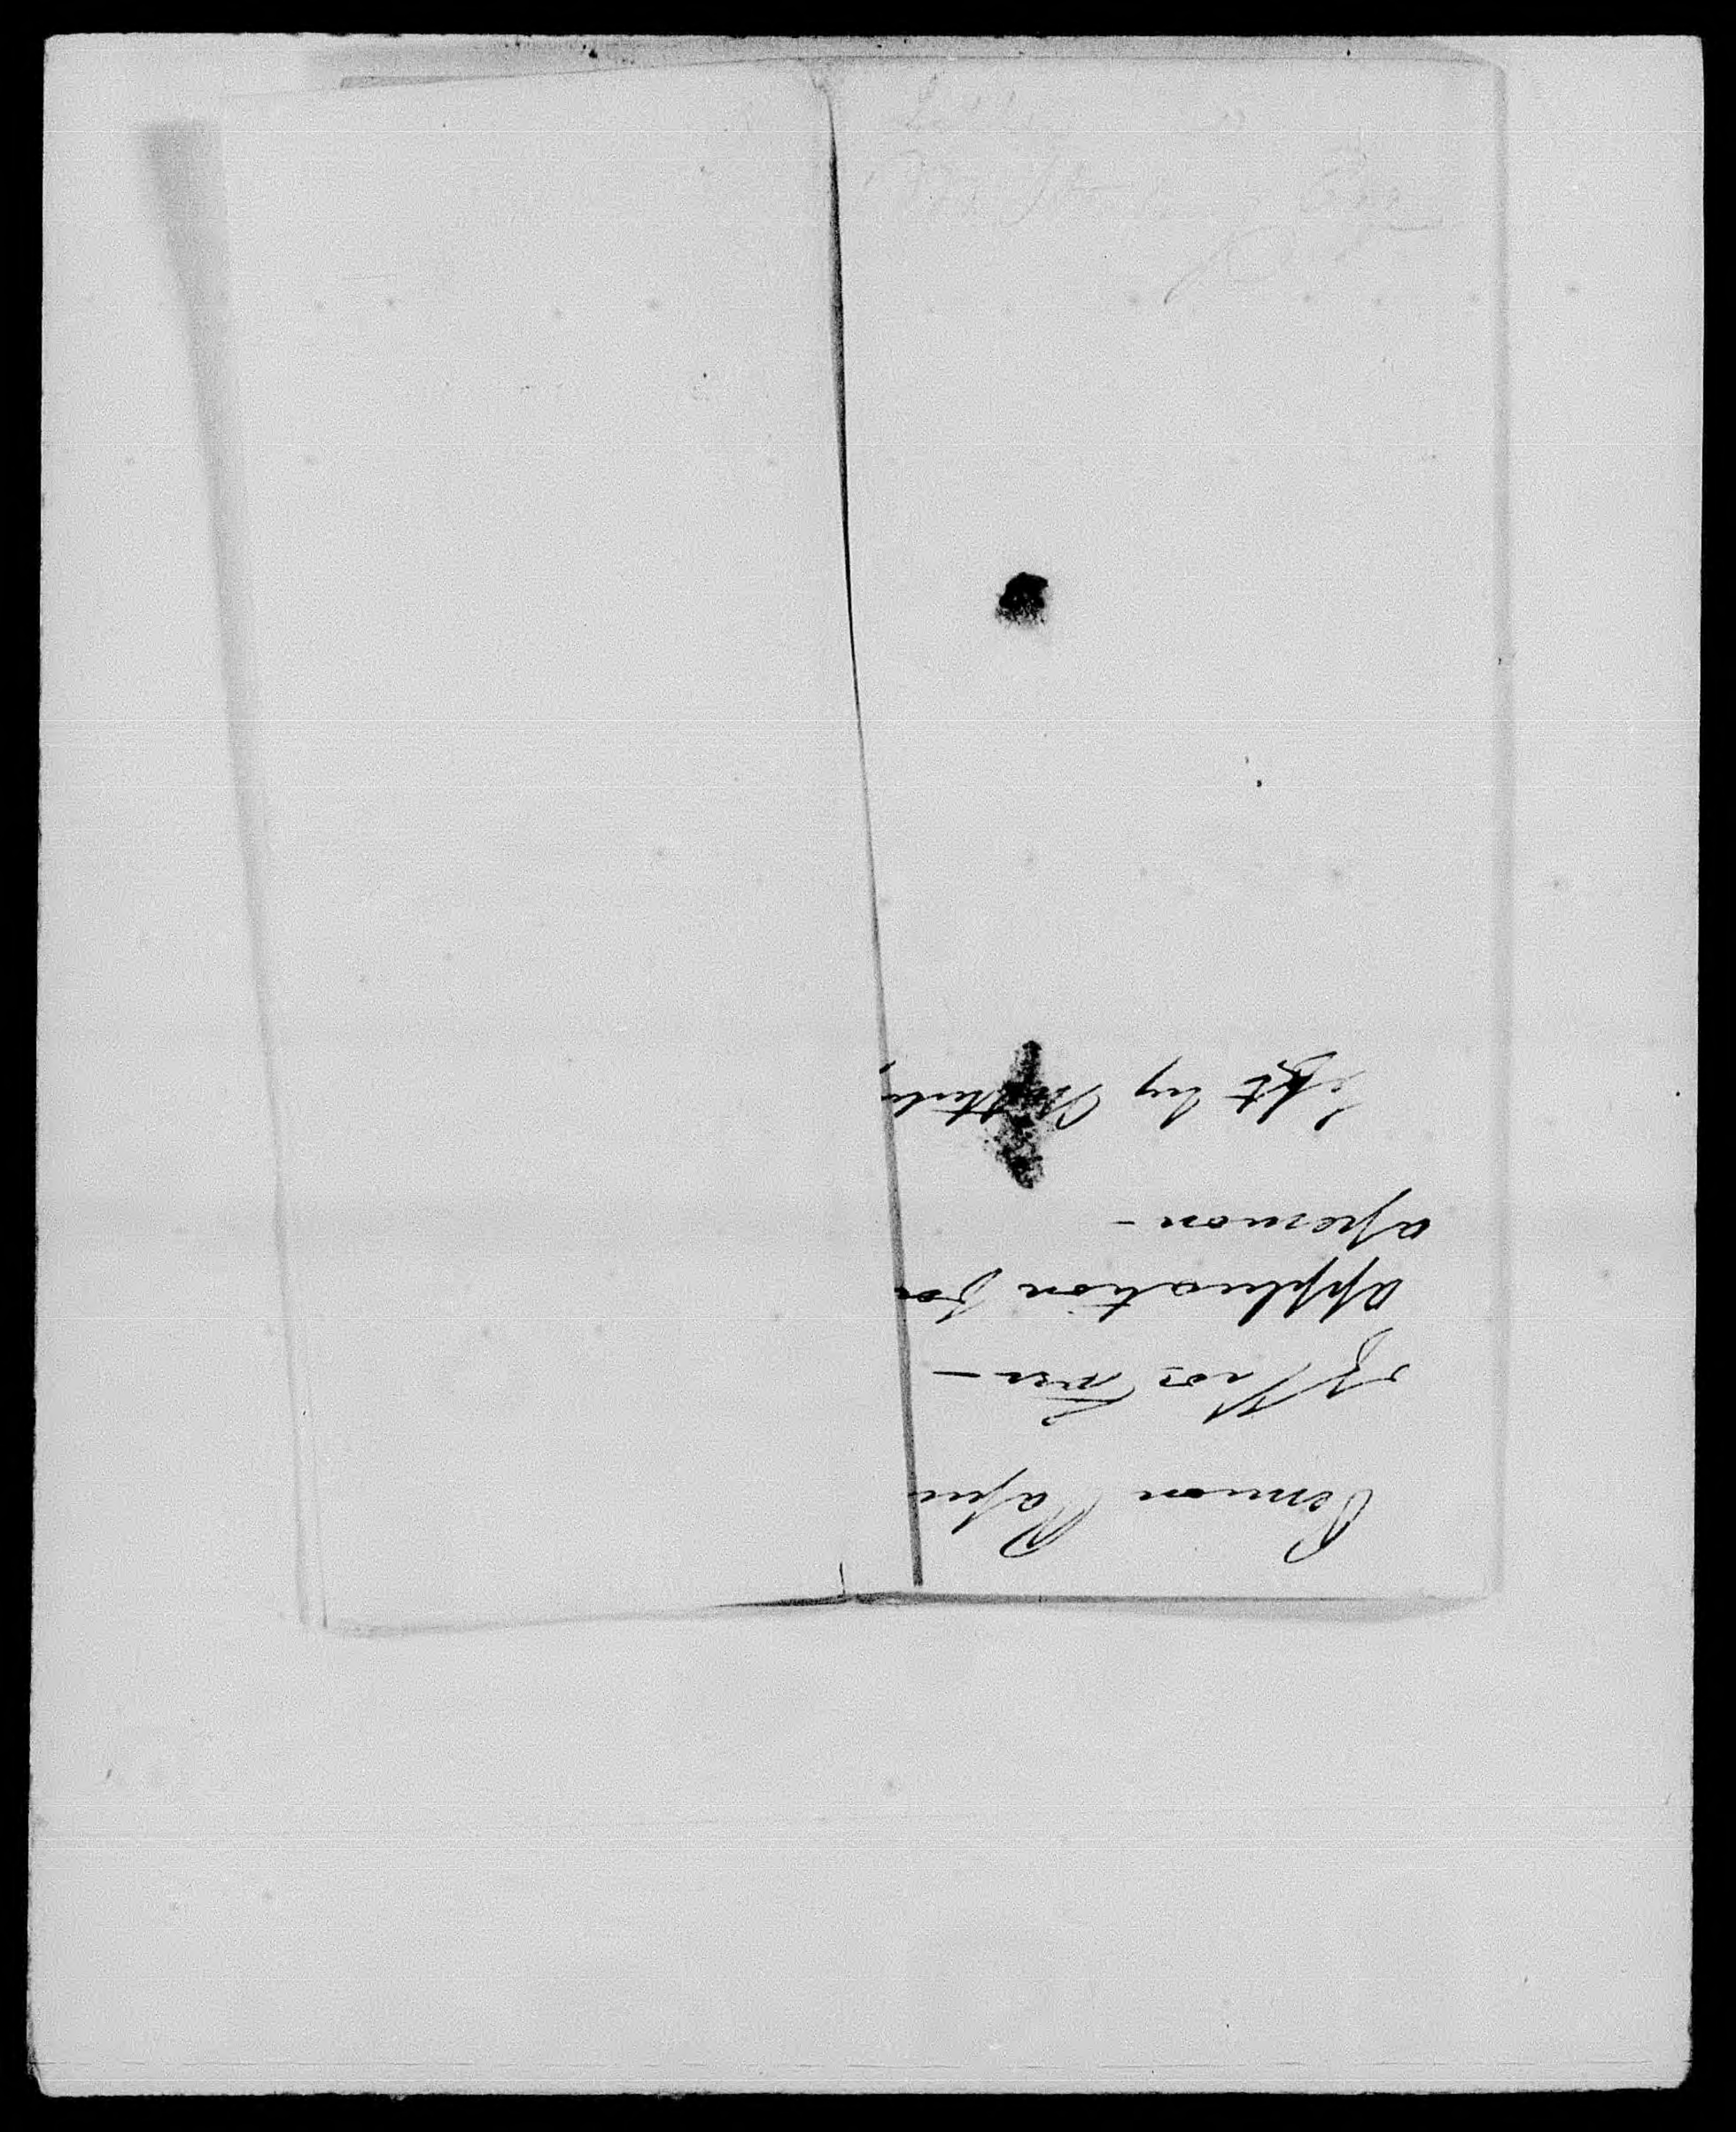[Faint writing - upside down]
Letter to
M. Sterling, Esq.

Pension Paper
of Thos Farr
application for
a pension -

Left by [illegible]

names: M H Gray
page: 35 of 46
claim: widow's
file: W. 23022, Thomas Farr, N.H.